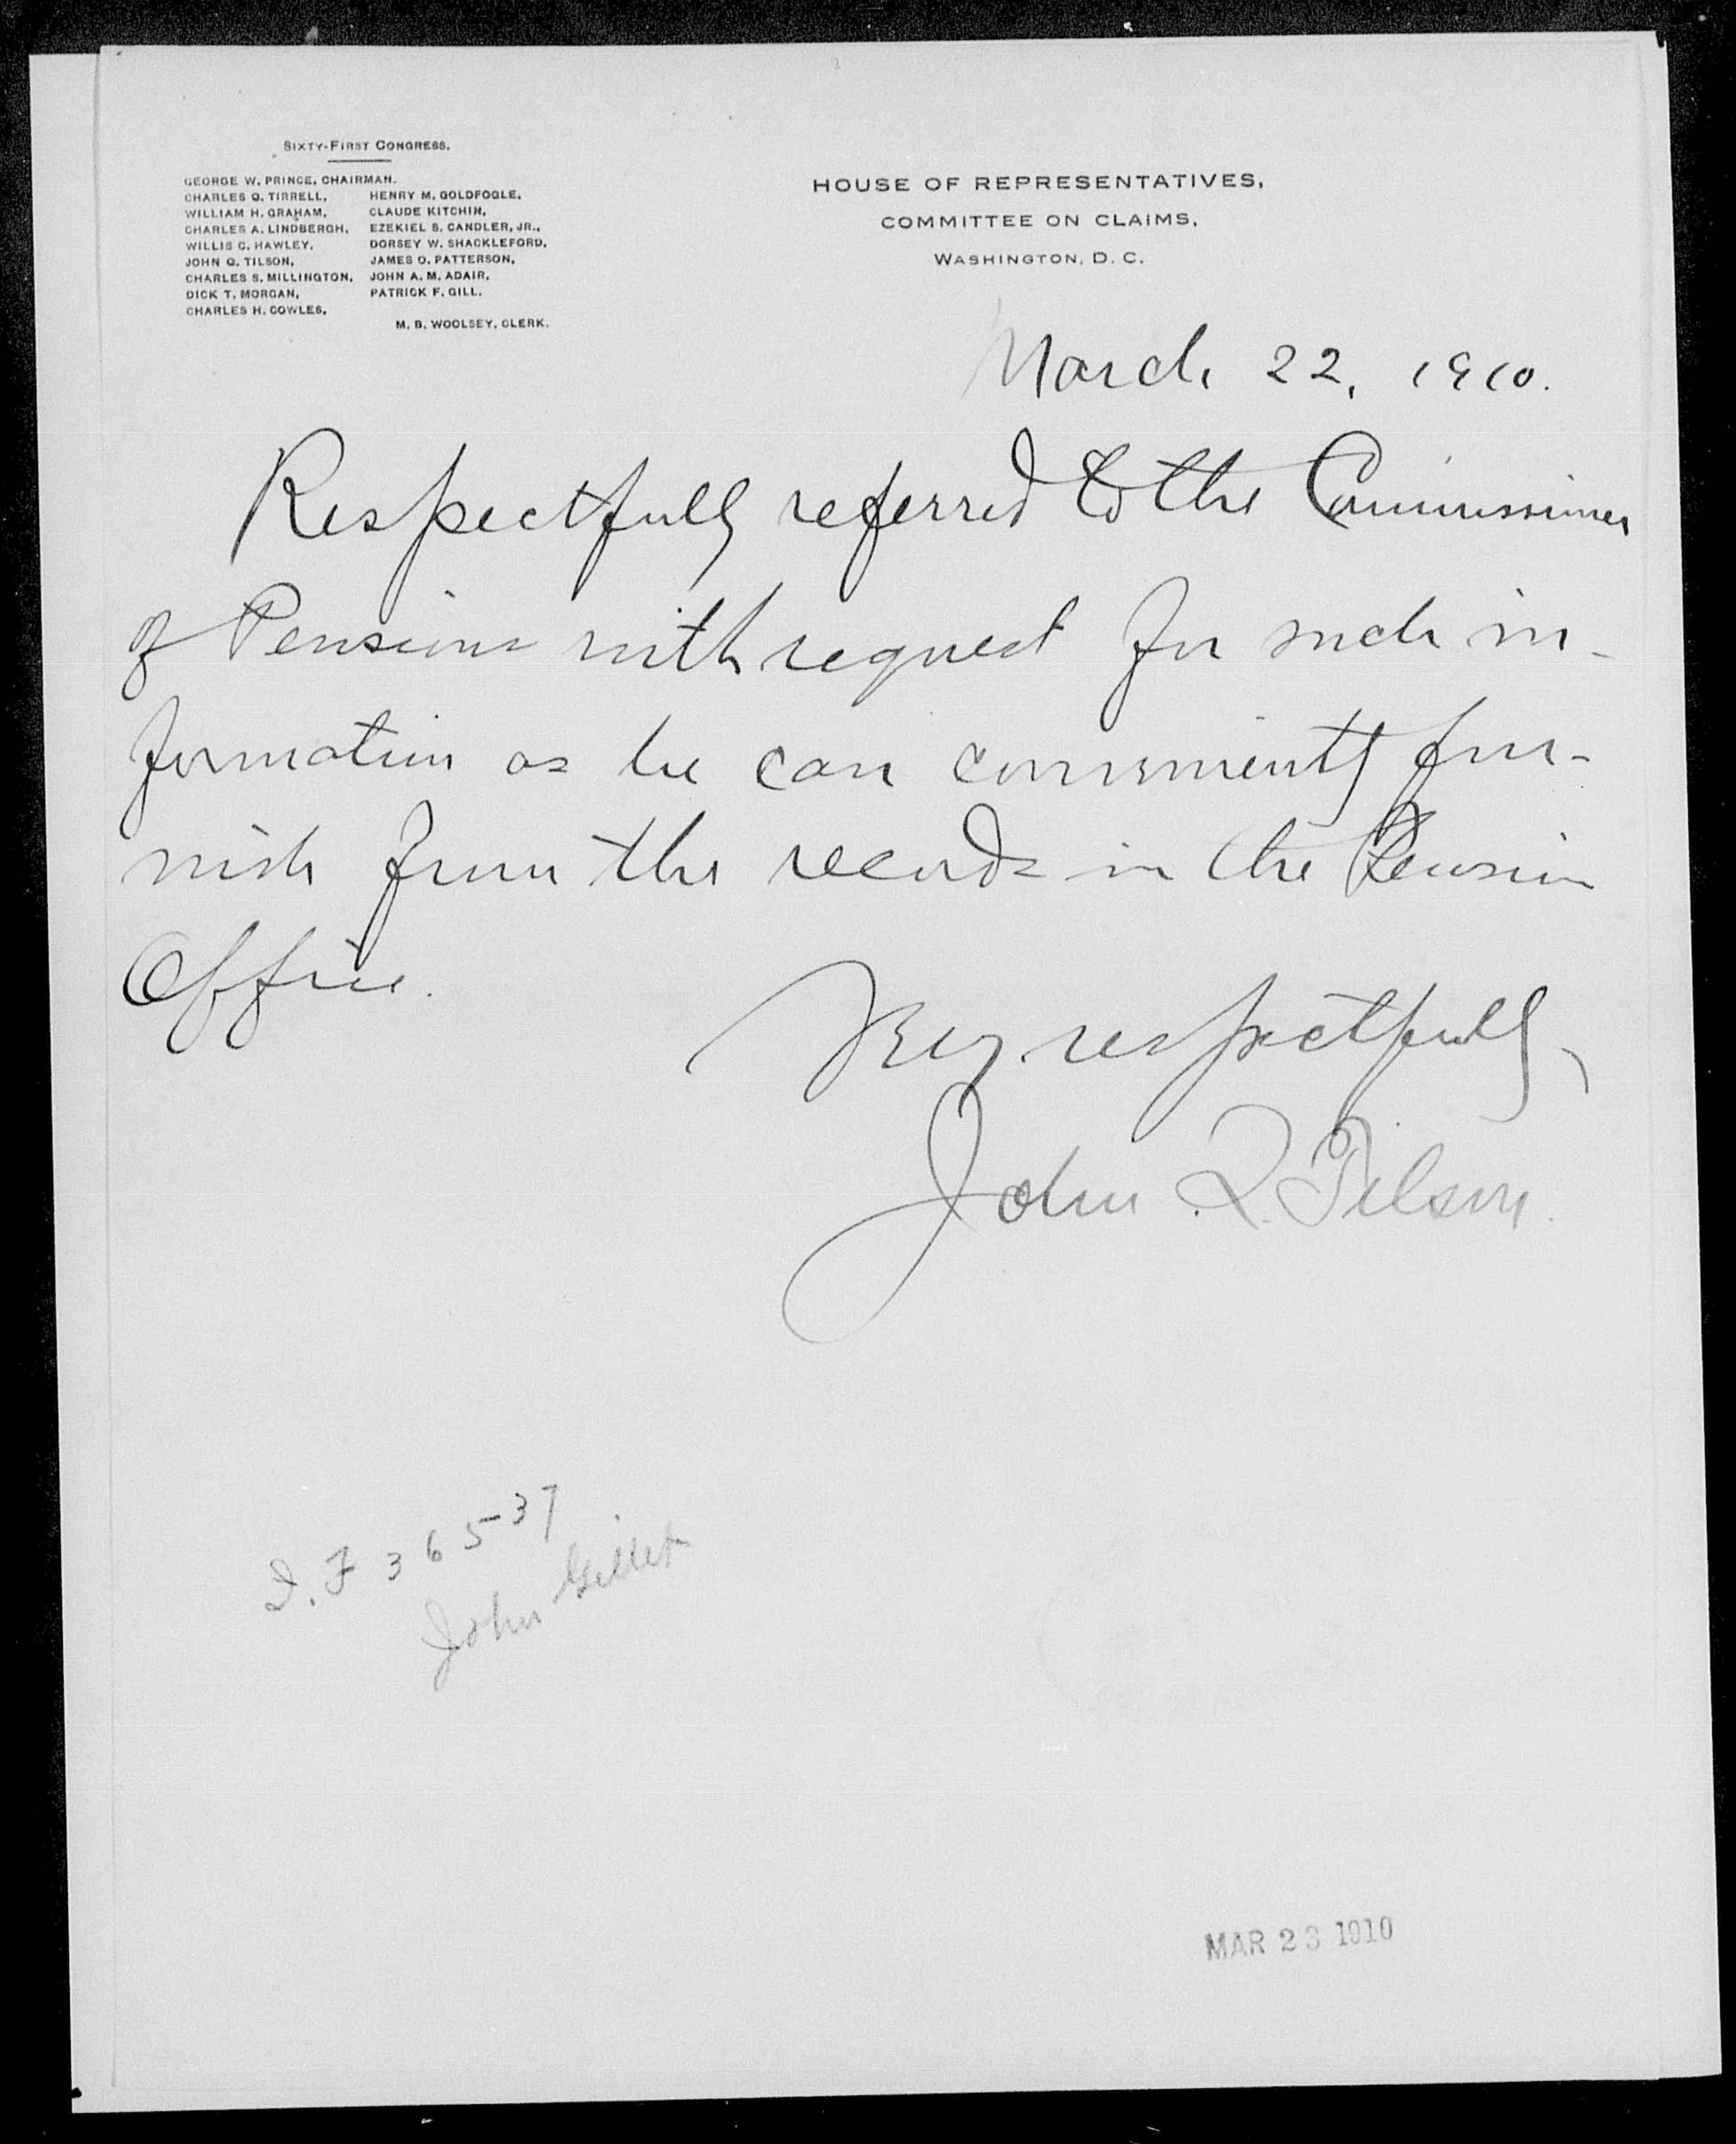SIXTY- FIRST CONGRESS

GEORGE W. PRINCE, CHAIRMAN
CHARLES G. TIRREL,             HENRY M. GOLDFOGLE,
WILLIAM H. GRAHAM,         CLAUDE KITCHIN,
CHARLES A LINDBERGH,      EZEKIEL S. CANDLER, JR.,
WILLIS G. HAWLEY,               DORSEY W. SHACKLEFORD,
JOHN Q. TILTON,                 JAMES O. PATTERSON,
CHARLES S. MILLINGTON,   JOHN A.M. ADAIR,
DICK T. MORGAN,               PATRICK F. GILL.
CHARLES H. COWLES,          M.B. WOOLSEY, CLERK

                         HOUSE OF REPRESENTATIVES,
                             COMMITTEE ON CLAIMS,
                                 WASHINGTON, D.C.
                                                                  March 22, 1910
   Respectfully referred to the Commissioner of Pensions with request for such information as he can conveniently furnish from the records in the Pension Office 
                                                   Respectfully,
                                                      John Q. Tilson

I.F. 36537
John Gillet
                                                                 March 23 1910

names: M B Woolsey, James O Patterson, Henry M Goldfogle, Charles Q Tirrell, Patrick F Gill, Charles A Lindbergh, Claude Kitchin, Dick T Morgan, John Gellet, Willis C Hawley, John Q Tilson, Charles H Cowles, Ezekiel B Candler, George W Prince, John Q Tilson, Dorsey W Shackleford, John A M Adair, William H Graham, Charles S Millington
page: 33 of 40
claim: survivor's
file: S. 36,537 And R. 4034, John Gillet, Conn.